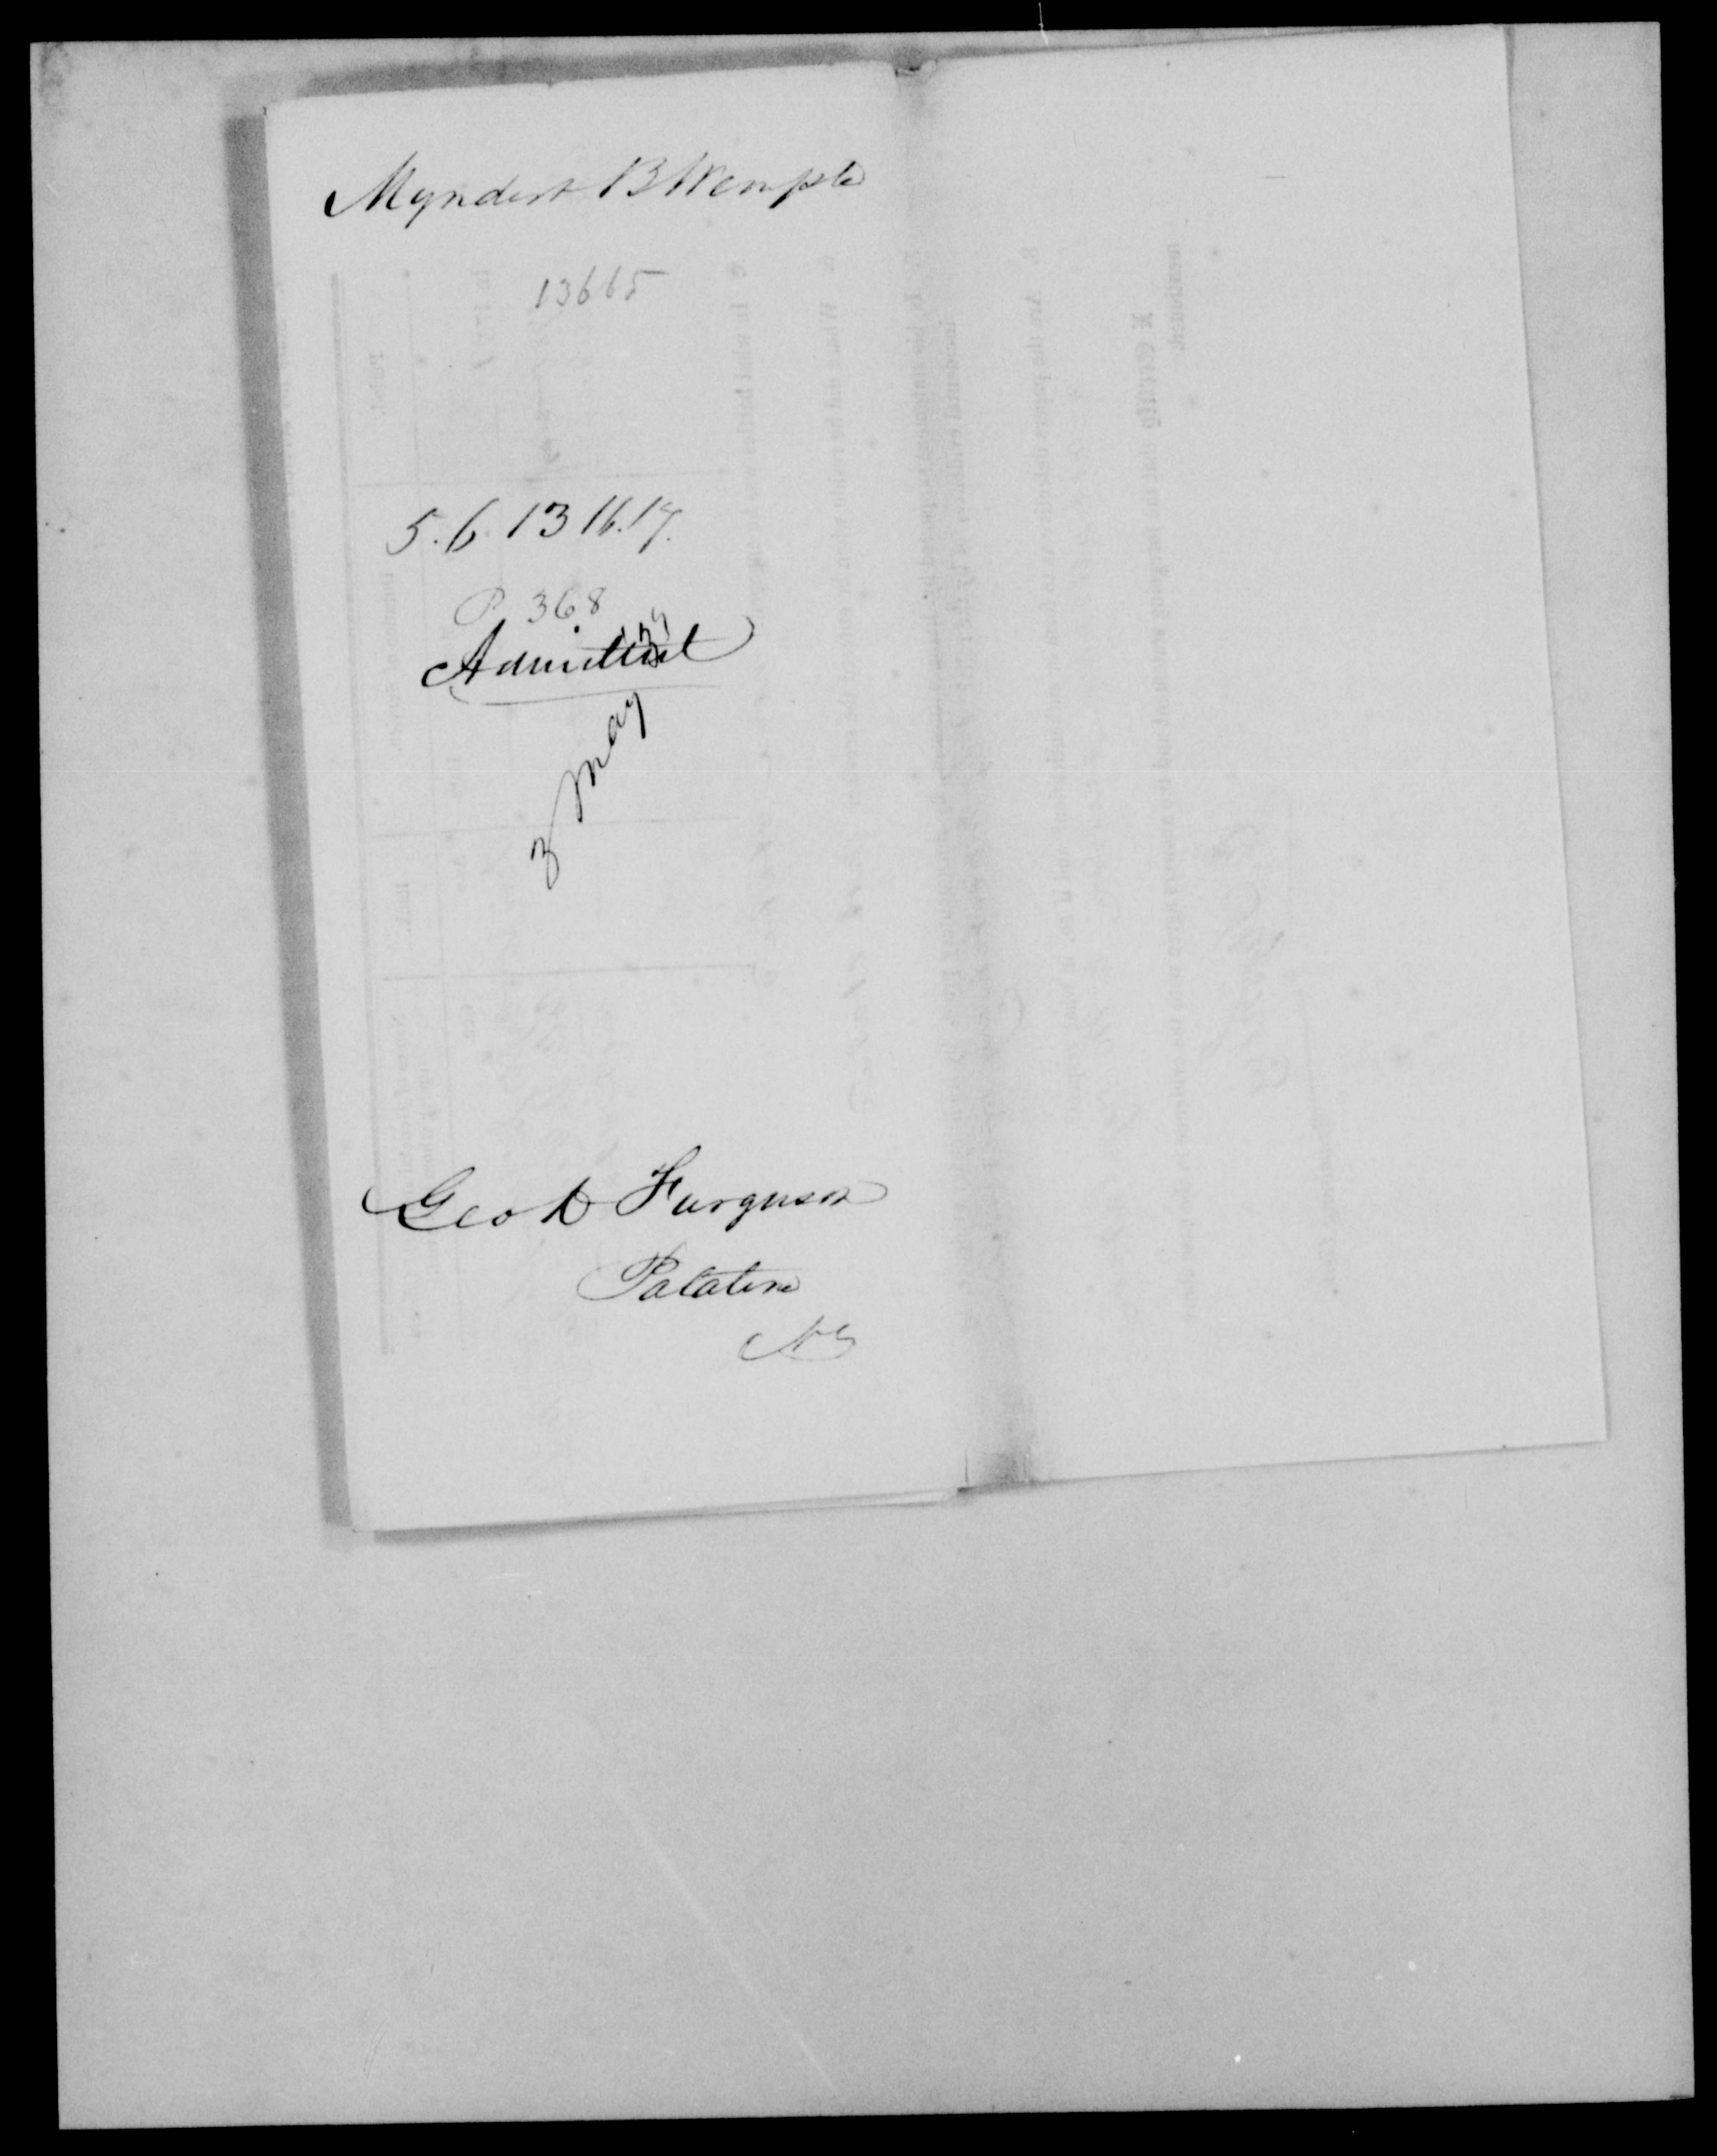Myndert B Wemple
13665
5 6 13 16.17.
P 368
Admitted
3 May '37

Geo D Furguson(Ferguson)
Palatine
[illegible]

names: Geo D Furguson, Myndert B Wemple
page: 4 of 51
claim: widow's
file: W. 19604, Myndert B Wemple, New York